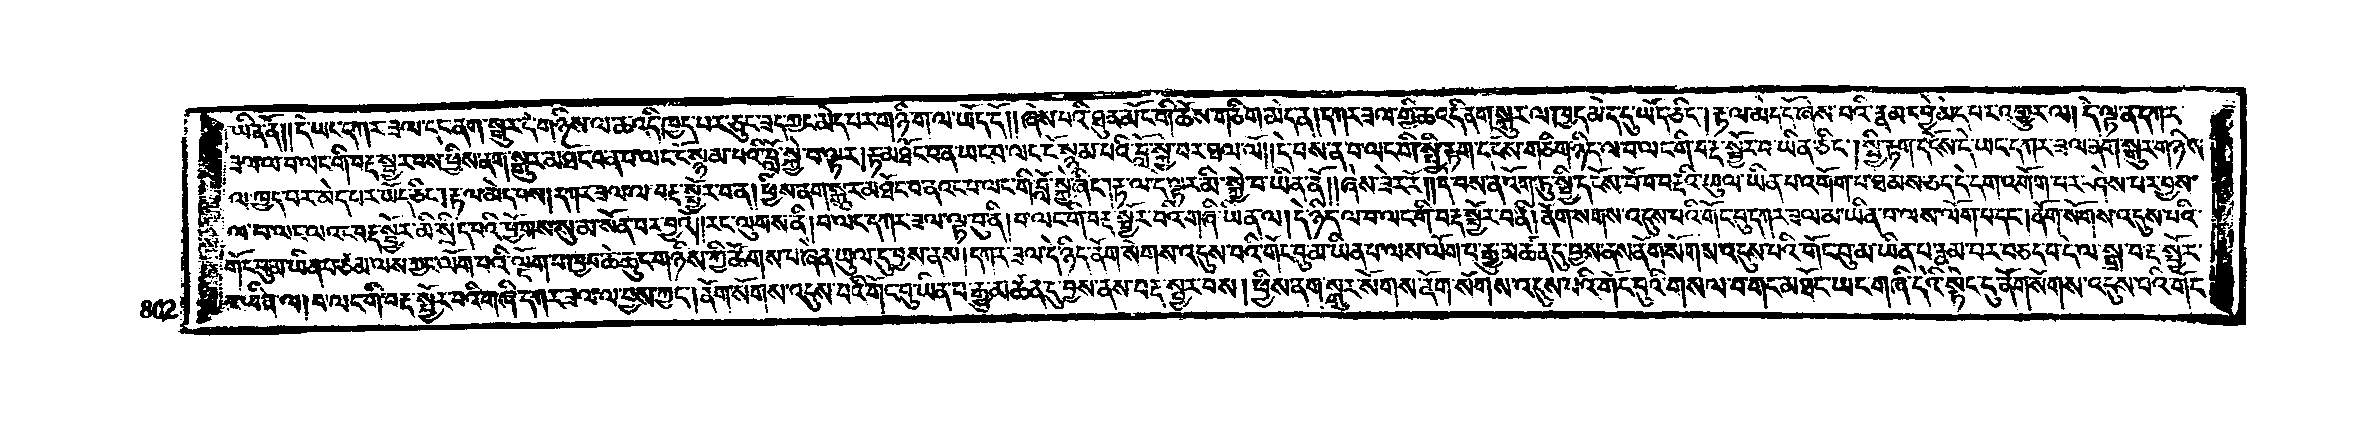ཡིན་ནོ། །དེ་ཡང་དཀར་ཟལ་དང་ནག་སྒུར་དེ་གཉིས་ལ་ཆ་འདི་ཁྱད་པར་ཅུང་ཟད་ཀྱང་མེད་པར་གཉི་ག་ལ་ཡོད་དོ། །ཞེས་པའི་ཐུན་མོང་གི་ཆོས་གཅིག་མེད་ན། དཀར་ཟལ་གྱི་ཆ་འདི་ནག་སྒུར་ལ་ཁྱད་མེད་དུ་ཡོད་ཅིང་། རྟ་ལ་མེད་དོ་ཞེས་པའི་རྣམ་དབྱེ་མེད་པར་འགྱུར་ལ། དེ་ལྟ་ན་དཀར་
ཟལ་ལ་བ་ལང་གི་བརྡ་སྦྱར་བས་ཕྱིས་ནག་སྒུར་མཐོང་བ་ན་བ་ལང་ངོ་སྙམ་པའི་བློ་སྐྱེ་བ་ལྟར། རྟ་མཐོང་བ་ན་ཡང་བ་ལང་ངོ་སྙམ་པའི་བློ་སྐྱེ་བར་ཐལ་ལོ། །དེ་བས་ན་བ་ལང་གི་སྤྱི་རྟག་དངོས་གཅིག་ཉིད་ལ་བ་ལང་གི་བརྡ་སྦྱོར་བ་ཡིན་ཅིང་། སྤྱི་རྟག་དངོས་དེ་ཡང་དཀར་ཟལ་ནག་སྒུར་གཉིས་
ལ་ཁྱད་པར་མེད་པར་ཡོད་ཅིང་། རྟ་ལ་མེད་པས། དཀར་ཟལ་ལ་བརྡ་སྦྱོར་བ་ན། ཕྱིས་ནག་སྒུར་མཐོང་བ་ནའང་བ་ལང་གི་བློ་སྐྱེ་ཞིང་། རྟ་ལ་དེ་ལྟར་མི་སྐྱེ་བ་ཡིན་ནོ། །ཞེས་ཟེར་རོ། །དེ་བས་ན་འོག་ཏུ་སྤྱི་དངོས་པོ་བ་བརྡའི་ཡུལ་ཡིན་པ་འགོག་པ་ཐམས་ཅད་དེ་དག་འགོག་པར་ཤེས་པར་བྱས་
ལ་བ་ལང་ལའང་བརྡ་སྦྱོར་མི་སྲིད་པའི་ཕྱོགས་སུ་མ་སོན་བར་བྱའོ། །རང་ལུགས་ནི། བ་ལང་དཀར་ཟལ་ལྟ་བུ་ནི། བ་ལང་གི་བརྡ་སྦྱོར་བའི་གཞི་ཡིན་ལ། དེ་ཉིད་ལ་བ་ལང་གི་བརྡ་སྦྱོར་བ་ནི། ནོག་སོགས་འདུས་པའི་གོང་བུ་དཀར་ཟལ་མ་ཡིན་པ་ལས་ལོག་པ་དང་། ནོག་སོགས་འདུས་པའི་
གོང་བུ་མ་ཡིན་པ་ཙམ་ལས་ཀྱང་ལོག་པའི་ལྡོག་པ་ཁྱབ་ཆེ་ཆུང་གཉིས་ཀྱི་ཚོགས་པ་ཞེན་ཡུལ་དུ་བྱས་ནས། དཀར་ཟལ་དེ་ཉིད་ནོག་སོགས་འདུས་པའི་གོང་བུ་མ་ཡིན་པ་ལས་ལོག་པ་རྒྱུ་མཚན་དུ་བྱས་ནས་ནག་སོགས་འདུས་པའི་གོང་བུ་མ་ཡིན་པ་རྣམ་པར་བཅད་པ་དེ་ལ་སྒྲ་བརྡ་སྦྱོར་
བ་ཡིན་ལ། བ་ལང་གི་བརྡ་སྦྱོར་བའི་གཞི་དཀར་ཟལ་ལ་བྱས་ཀྱང་། ནག་སོགས་འདུས་པའི་གོང་བུ་ཡིན་པ་རྒྱུ་མཚན་དུ་བྱས་ནས་བརྡ་སྦྱར་བས། ཕྱིས་ནག་སྒུར་སོགས་ནོག་སོགས་འདུས་པའི་གོང་བུའི་གསལ་བ་གང་མཐོང་ཡང་གཞི་དེའི་སྟེང་དུ་ནོག་སོགས་འདུས་པའི་གོང་